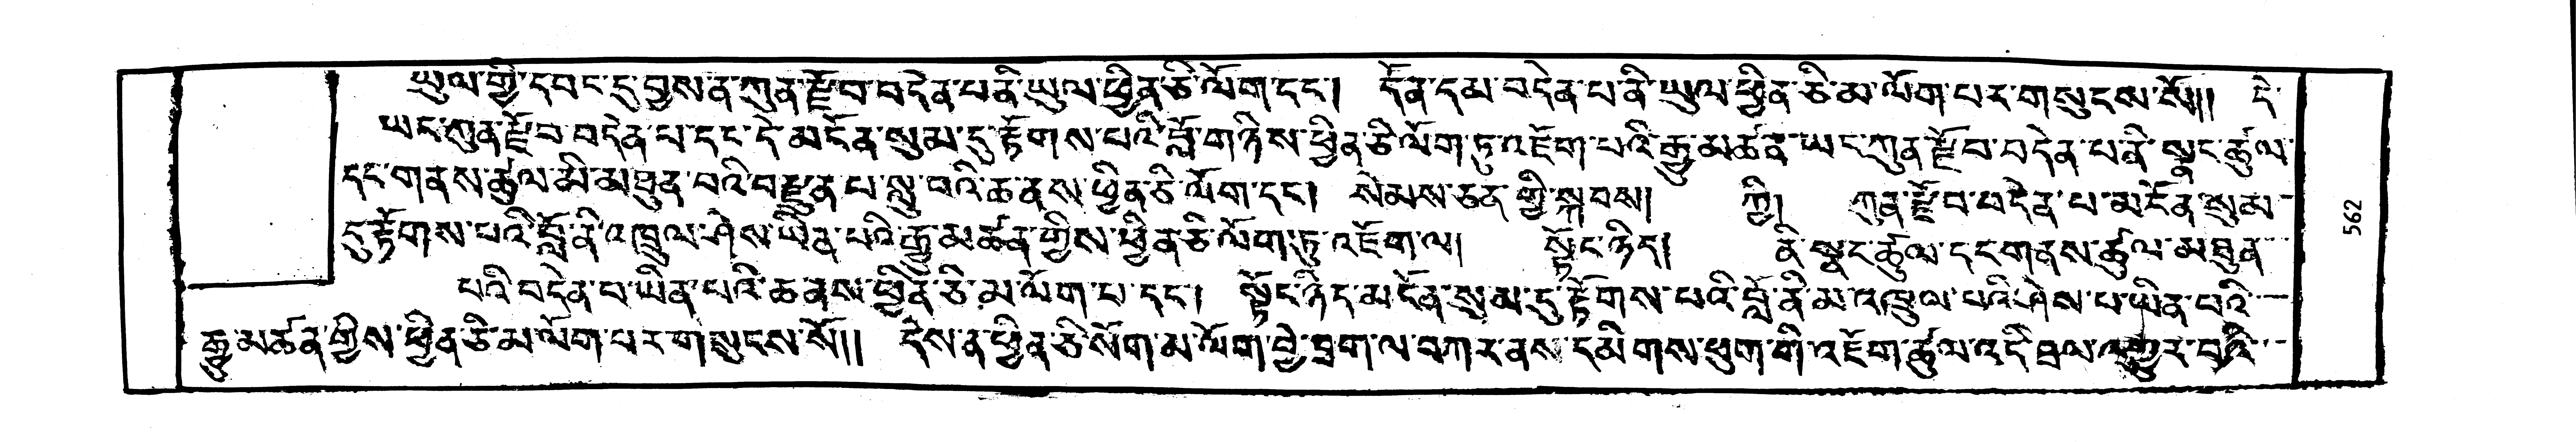ཡུལ་གྱི་དབང་དུ་བྱས་ན་ཀུན་རྫོབ་བདེན་པ་ནི་ཡུལ་ཕྱིན་ཅི་ལོག་དང་། དོན་དམ་བདེན་པ་ནི་ཡུལ་ཕྱིན་ཅི་མ་ལོག་པར་གསུངས་སོ། །དེ་
ཡང་ཀུན་རྫོབ་བདེན་པ་དང་དེ་མངོན་སུམ་དུ་རྟོགས་པའི་བློ་གཉིས་ཕྱིན་ཅི་ལོག་ཏུ་འཇོག་པའི་རྒྱུ་མཚན་ཡང་ཀུན་རྫོབ་བདེན་པ་ནི་སྣང་ཚུལ་
དང་གནས་ཚུལ་མི་མཐུན་པའི་བརྫུན་པ་སླུ་བའི་ཆ་ནས་ཕྱིན་ཅི་ལོག་དང་། སེམས་ཅན་གྱི་སྐབས། ཀྱི། ཀུན་རྫོབ་བདེན་པ་མངོན་སུམ་
དུ་རྟོགས་པའི་བློ་ནི་འཁྲུལ་ཤེས་ཡིན་པའི་རྒྱུ་མཚན་གྱིས་ཕྱིན་ཅི་ལོག་ཏུ་འཇོག་ལ། སྟོང་ཉིད། ནི་སྣང་ཚུལ་དང་གནས་ཚུལ་མཐུན་
པའི་བདེན་པ་ཡིན་པའི་ཆ་ནས་ཕྱིན་ཅི་མ་ལོག་པ་དང་། སྟོང་ཉིད་མངོན་སུམ་དུ་རྟོགས་པའི་བློ་ནི་མ་འཁྲུལ་པའི་ཤེས་པ་ཡིན་པའི་
རྒྱུ་མཚན་གྱིས་ཕྱིན་ཅི་མ་ལོག་པར་གསུངས་སོ། །དེས་ན་ཕྱིན་ཅི་སོག་མ་ལོག་བྱེ་བྲག་ལ་བཀར་ནས་དམིགས་ཕུག་གི་འཇོག་ཚུལ་འདི་ཐལ་འགྱུར་བའི་